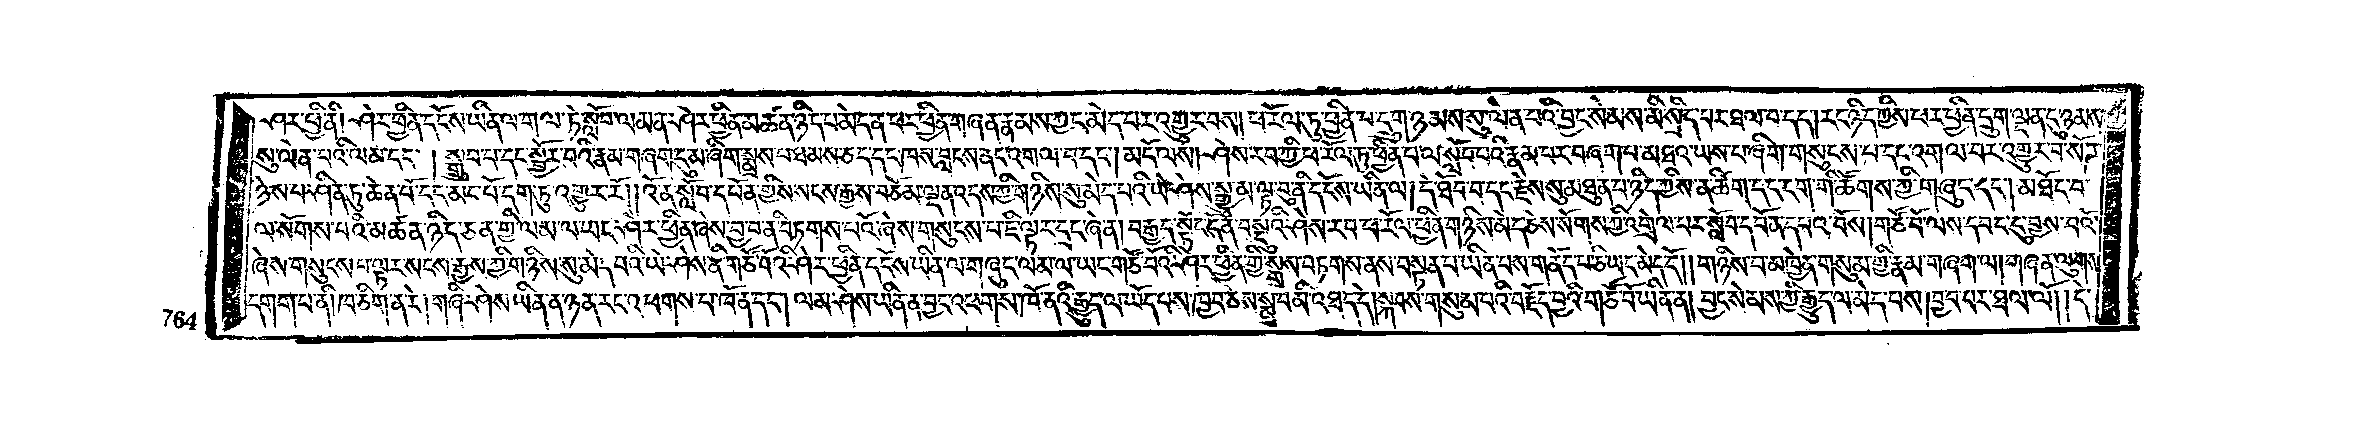ཤེར་ཕྱིན་ནི། ཤེར་ཕྱིན་དངོས་ཡིན་ལ་གལ་ཏེ་སློབ་ལམ་ན་ཤེར་ཕྱིན་མཚན་ཉིད་པ་མེད་ན་ཕར་ཕྱིན་གཞན་རྣམས་ཀྱང་མེད་པར་འགྱུར་པས། ཕ་རོལ་ཏུ་ཕྱིན་པ་དྲུག་ཉམས་སུ་ལེན་པའི་བྱང་སེམས་མི་སྲིད་པར་ཐལ་བ་དང་། རང་ཉིད་ཀྱིས་ཕར་ཕྱིན་དྲུག་ལྡན་དུ་ཉམས་
སུ་ལེན་པའི་ལམ་དང་། སྒྲུབ་པ་དང་སྦྱོར་བའི་རྣམ་གཞག་དུ་མ་ཞིག་སྨྲས་པ་ཐམས་ཅད་དང་ཁས་བླངས་ནང་འགལ་བ་དང་། མདོ་ལས། ཤེས་རབ་ཀྱི་ཕ་རོལ་ཏུ་ཕྱིན་པ་ལ་སློབ་པའི་རྣམ་པར་བཞག་པ་མཐའ་ཡས་པ་ཞིག་གསུངས་པ་དང་འགལ་བར་འགྱུར་བ་སོགས་
ཉེས་པ་ཤིན་ཏུ་ཆེན་པོ་དང་མང་པོ་དག་ཏུ་འགྱུར་རོ། །འོ་ན་སློབ་དཔོན་གྱིས་སངས་རྒྱས་བཅོམ་ལྡན་འདས་ཀྱི་གཉིས་སུ་མེད་པའི་ཡེ་ཤེས་སྒྱུ་མ་ལྟ་བུ་ནི་དངོས་ཡིན་ལ། དེ་ཐོབ་པ་དང་རྗེས་སུ་མཐུན་པ་ཉིད་ཀྱིས་ན་ཚིག་དང་ངག་གི་ཚོགས་ཀྱི་གཞུང་དང་། མཐོང་བ་
ལ་སོགས་པའི་མཚན་ཉིད་ཅན་གྱི་ལམ་ལ་ཡང་ཤེར་ཕྱིན་ཞེས་བྱ་བ་ནི་བཏགས་པའོ་ཞེས་གསུངས་པ་ཇི་ལྟར་དྲང་ཞེ་ན། བརྒྱད་སྟོང་དོན་བསྡུའི་ཤེས་རབ་ཕ་རོལ་ཕྱིན་གཉིས་མེད་ཅེས་སོགས་ཀྱི་འགྲེལ་པར་སློབ་དཔོན་དཔའ་བོས། གཙོ་བོ་ལས་དབང་དུ་བྱས་པའོ་
ཞེས་གསུངས་པ་ལྟར་སངས་རྒྱས་ཀྱི་གཉིས་སུ་མེད་པའི་ཡེ་ཤེས་ནི་གཙོ་བོའི་ཤེར་ཕྱིན་དངོས་ཡིན་ལ་གཞུང་ལམ་ལ་ཡང་གཙོ་བོའི་ཤེར་ཕྱིན་གྱི་སྒྲས་བཏགས་ནས་བསྟན་པ་ཡིན་པས་གནོད་པ་ཅི་ཡང་མེད་དོ། །གཉིས་པ་མཁྱེན་གསུམ་གྱི་རྣམ་གཞག་ལ། གཞན་ལུགས་
དགག་པ་ནི། ཁ་ཅིག་ན་རེ། གཞི་ཤེས་ཡིན་ན་ཉན་རང་འཕགས་པ་ཁོ་ན་དང་། ལམ་ཤེས་ཡིན་ན་བྱང་འཕགས་ཁོ་ནའི་རྒྱུད་ལ་ཡོད་པས་ཁྱབ་ཅེས་སྨྲ་བ་མི་འཐད་དེ། སྐབས་གསུམ་པའི་བརྗོད་བྱའི་གཙོ་བོ་ཡིན་ན། བྱང་སེམས་ཀྱི་རྒྱུད་ལ་མེད་པས། ཁྱབ་པར་ཐལ་ལོ། །དེ་